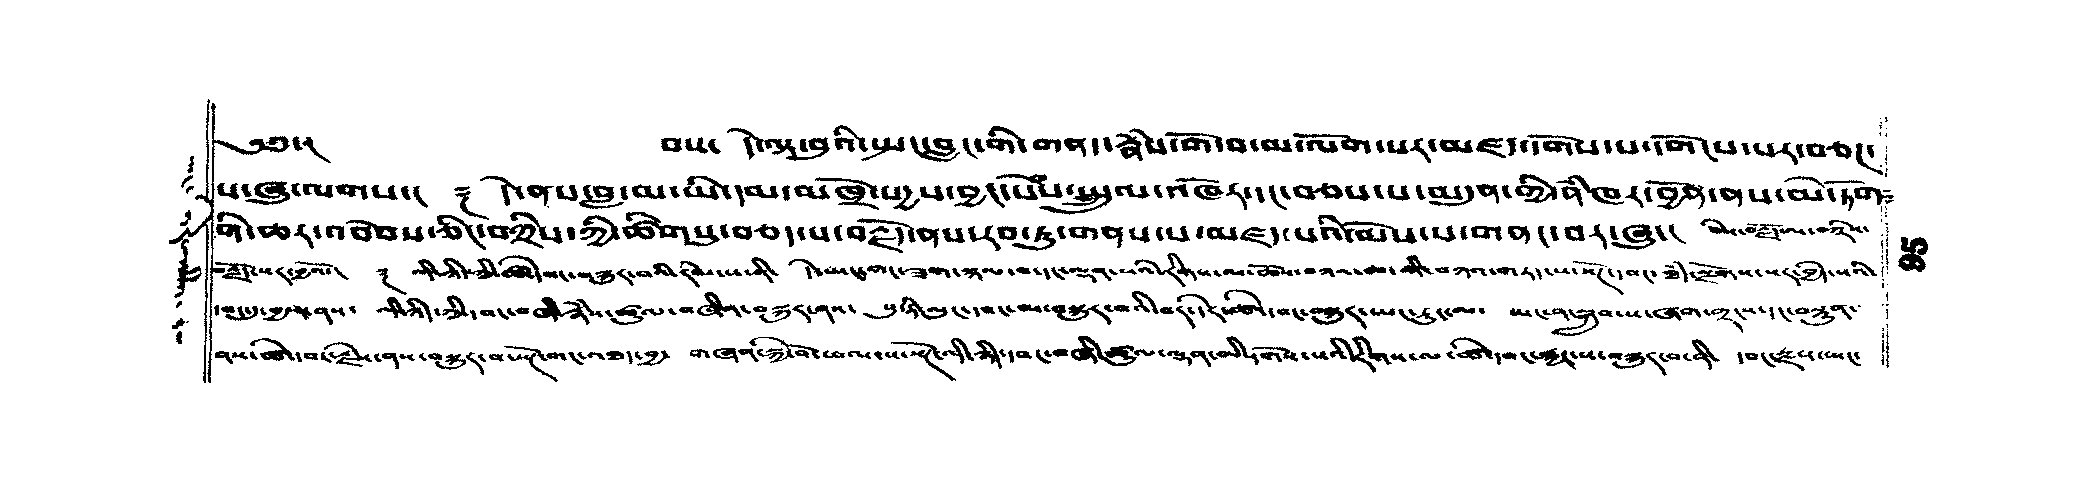བས། དེ་ལྟ་བུའི་སྤང་བླང་གི་གནད་རྣམས་གོ་བ་མ་ལོག་པར་མཛད་དགོས་པ་དགོངས་པར་བཅགས་
པ་ཞུ་ལགས། ༈ དེ་ནས་བླ་མ་ཡི་དམ་མཁའ་འགྲོ་སངས་རྒྱས་བྱང་སེམས་སྤྲུལ་འཁོར་དང་བཅས་པ་མདུན་གྱི་ནམ་མཁར་བྱོན་ནས་མེ་ཏོག་
གི་ཆར་འབེབས་ཅིང་བཀྲ་ཤིས་ཀྱི་ཚིགས་སུ་ལབཅད་པ་བརྗོད་ནས་རབ་ཏུ་གནས་པ་མཛད་པའི་མོས་པ་གནང་བར་ཞུ། ཅེས་བརྗོད་ལ་བཀྲ་ཤིས་
བརྗོད་པར་བྱའོ། ༈ འདི་ཉིད་ཀྱི་ཚེ་དབང་བསྐུར་བའི་རིམ་པ་ནི། དེ་ཡང་གང་ཟག་སྐལ་བ་དང་ལྡན་པའི་རིགསལལལ་ཆོས་བཀའ་གཏད་པ་སོགས་དབང་ལཐམས་ཅད་རྫོགས་པར་བྱེད་པའི་
དབང་དུ་བྱས་ནས། འདི་ཉིད་ཀྱི་དབང་བཞི་རྣམས་ཚུལ་བཞིན་བསྐུར་ནས། པུ་ཏི་ལུང་མ་བསྐུར་བའི་བར་དེར་ཚེ་དབང་བསྐུར་ཡང་རུང་ལ། ཡང་ན་སྒྲུབ་པ་ཞག་གྲངས་དང་བསྟུན་
ནས་ཚེ་དབང་རྗེས་ནས་བསྐུར་བ་སོགས་གང་འཐད་བྱ། གཞན་སྐྱེ་བོ་ཕལ་བ་སོགས་འདི་ཉིད་དབང་བཞི་ཚུལ་ལྡན་མི་དགོས་པའི་རིགས་ལ་ཚེ་དབང་རྐྱང་པ་བསྐུར་བ་ནི། དབང་རྫས་ཡང་